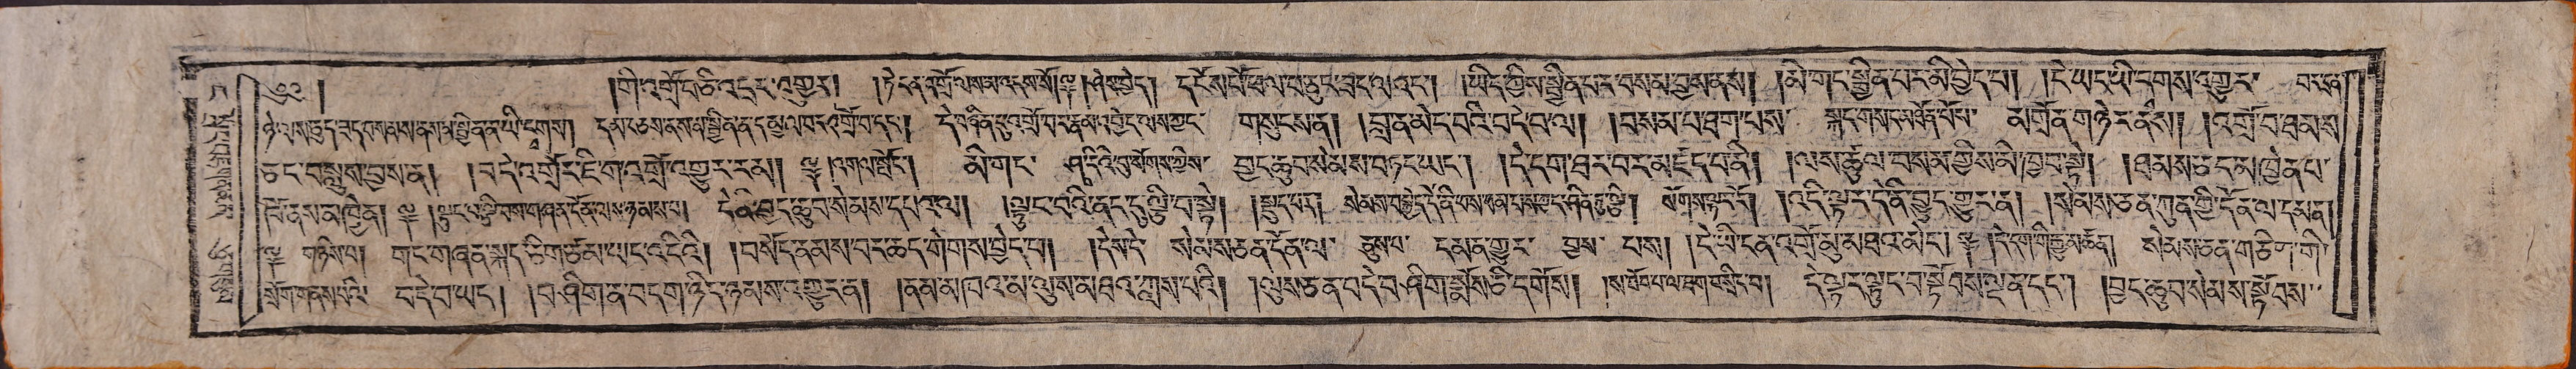༄༅། །གི་འགྲོ་བ་ཅི་འདྲར་འགྱུར། ཏེ་ངན་འགྲོ་ལས་མ་འདས་སོ། ༈ །ཤེས་བྱེད།  དངོས་པོ་ཕལ་པ་ཅུང་ཟད་ལའང་། །ཡིད་ཀྱིས་སྦྱིན་པར་བསམ་བྱས་ནས། །མི་གང་སྦྱིན་པར་མི་བྱེད་པ། །དེ་ཡང་ཡི་དྭགས་འགྱུར་བར་དྲན་
ཉེ་ལས་ཅུང་ཟད་བསམས་ནས་མ་སྦྱིན་ན་ཡི་དྭགས། དམ་བཅེས་ནས་མ་སྦྱིན་ན་དམྱལ་བར་འགྲོ་བ་དང་། །དེ་བཞིན་དུ་འགྲོ་བར་རྣམ་འབྱེད་ལས་ཀྱང་གསུངས་ན། །བླ་ན་མེད་པའི་བདེ་བ་ལ། །བསམ་པ་ཐག་པས་སྐད་གསང་མཐོན་པོས་མགྲོན་གཉེར་ནས། །འགྲོ་བ་ཐམས་
ཅད་བསླུས་བྱས་ན། །བདེ་འགྲོར་ཇི་ག་འགྲོ་འགྱུར་རམ། ༈ །འགལ་སྤོང་། མི་གང་ཤཱ་རིའི་བུ་སོགས་ཀྱིས་བྱང་ཆུབ་སེམས་བཏང་ཡང་། །དེ་དག་ཐར་བར་མཛད་པ་ནི། །ལས་ཚུལ་བསམ་གྱིས་མི་ཁྱབ་སྟེ། །ཐམས་ཅད་མཁྱེན་པ་
ཁོ་ནས་མཁྱེན། ༈ །ལྟུང་བླྕི་བས་གཞན་དོན་ལས་ཉམས་བ།  དེ་ནི་བྱང་ཆུབ་སེམས་དཔའ་ལ། །ལྟུང་བའི་ནང་དུ་ལྕི་བ་སྟེ། །སྡུད་བར། སེམས་བསྐྱེད་དེ་ནི་ཕས་ཕམ་བས་ཀྱང་ཤིན་ཏུ་ལྕི། །སོགས་ལྟར་རོ།  །འདི་ལྟར་དེ་ནི་བྱུང་གྱུར་ན། །སེམས་ཅན་ཀུན་གྱི་དོན་ལ་དམན།།
༈ གཉིས་པ།  གང་གཞན་སྐད་ཅིག་ཙམ་ཡང་འདིའི། །བསོད་ནམས་བར་ཆད་གེགས་བྱེད་པ། །དེས་དེ་སེམས་ཅན་དོན་ལ་ནུས་པ་དམན་གྱུར་བྱས་པས། །དེ་ཡི་ངན་འགྲོ་མུ་མཐའ་མེད། ༈ །དེ་དག་གི་རྒྱུ་མཚན།  སེམས་ཅན་གཅིག་གི་
སྲོག་གནས་པའི་བདེ་བ་ཡང་། །བཤིག་ན་བདག་ཉིད་ཉམས་འགྱུར་ན། །ནམ་མཁའ་མ་ལུས་མཐའ་ཀླས་པའི། །ལུས་ཅན་བདེ་བཤིག་སྨོས་ཅི་དགོས། ས་ཐར་བ་ལ་ཐག་བསྲིང་བ།  དེ་ལྟར་ལྟུང་བ་སྟོབས་ལྡན་དང་། །བྱང་ཆུབ་སེམས་སྟོབས་